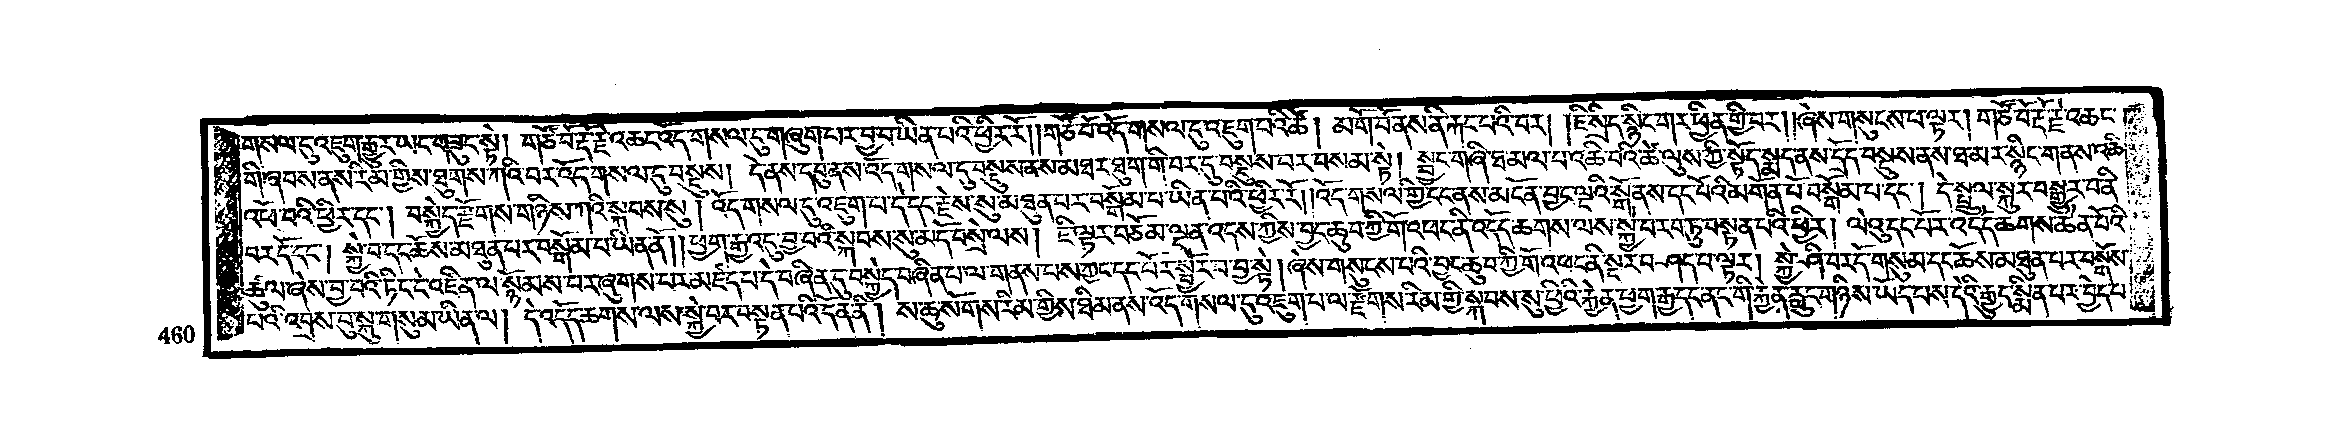གསལ་དུ་འཇུག་རྒྱུར་ཡང་གཟུང་སྟེ། གཙོ་བོ་རྡོ་རྗེ་འཆང་འོད་གསལ་དུ་གཞུག་པར་བྱ་བ་ཡིན་པའི་ཕྱིར་རོ། །གཙོ་བོ་འོད་གསལ་དུ་འཇུག་པའི་ཚེ། མགོ་བོ་ནས་ནི་རྐང་པའི་བར། །ཇི་སྲིད་སྙིང་གར་ཕྱིན་གྱི་བར། །ཞེས་གསུངས་པ་ལྟར། གཙོ་བོ་རྡོ་རྗེ་འཆང་
གི་ཞབས་ནས་རིམ་གྱིས་ཐུགས་ཀའི་བར་འོད་གསལ་དུ་བསྡུས། དེ་ནས་དབུ་ནས་འོད་གསལ་དུ་བསྡུས་ནས་མཐར་ཐུག་གི་བར་དུ་བསྡུས་པར་བསམ་སྟེ། སྦྱང་གཞི་ཐ་མལ་པ་འཆི་བའི་ཚེ་ལུས་ཀྱི་སྟོད་སྨད་ནས་དྲོད་བསྡུས་ནས་ཐ་མར་སྙིང་གནས་འཆི་
འཕོ་བའི་ཕྱིར་དང་། བསྐྱེད་རྫོགས་གཉིས་ཀའི་སྐབས་སུ། འོད་གསལ་དུ་འཇུག་པ་དེ་དང་རྗེས་སུ་མཐུན་པར་བསྒོམ་པ་ཡིན་པའི་ཕྱིར་རོ། །འོད་གསལ་གྱི་ངང་ནས་མངོན་བྱང་ལྔའི་སྒོ་ནས་དང་པོའི་མགོན་པོ་བསྒོམ་པ་དང་། དེ་སྤྲུལ་སྐུར་བསྒྱུར་བ་ནི་
བར་དོ་དང་། སྐྱེ་བ་དང་ཆོས་མཐུན་པར་བསྒོམ་པ་ཡིན་ནོ། །ཕྱག་རྒྱ་འདུ་བྱ་བའི་སྐབས་སུ་མདོ་བསྲེ་ལས། ཇི་ལྟར་བཅོམ་ལྡན་འདས་ཀྱིས་བྱང་ཆུབ་ཀྱི་གོ་འཕང་ནི་འདོད་ཆགས་ལས་སྐྱེ་བ་རབ་ཏུ་བསྟན་པའི་ཕྱིར། ལེའུ་དང་པོར་འདོད་ཆགས་ཆེན་པོའི་
ཚུལ་ཞེས་བྱ་བའི་ཏིང་ངེ་འཛིན་ལ་སྙོམས་པར་ཞུགས་པར་མཛད་པ་དེ་བཞིན་དུ་བསྐྱེད་བཞིན་པ་ལ་གནས་པས་ཀྱང་དང་པོར་སྦྱོར་བ་བྱ་སྟེ། ཞེས་གསུངས་པའི་བྱང་ཆུབ་ཀྱི་གོ་འཕང་ནི་སྔར་བཤད་པ་ལྟར། སྐྱེ་ཤི་བར་དོ་གསུམ་དང་ཆོས་མཐུན་པར་བསྒོས་
པའི་འབྲས་བུ་སྐུ་གསུམ་ཡིན་ལ། དེ་འདོད་ཆགས་ལས་སྐྱེ་བར་བསྟན་པའི་དོན་ནི། ས་ཆུ་སོགས་རིམ་གྱིས་ཐིམ་ནས་འོད་གསལ་དུ་འཇུག་པ་ལ་རྫོགས་རིམ་གྱི་སྐབས་སུ་ཕྱིའི་རྐྱེན་ཕྱག་རྒྱ་དང་ནང་གི་རྐྱེན་རླུང་གཉིས་ཡོད་པས་དེའི་རྒྱུད་སྨིན་པར་བྱེད་པ་